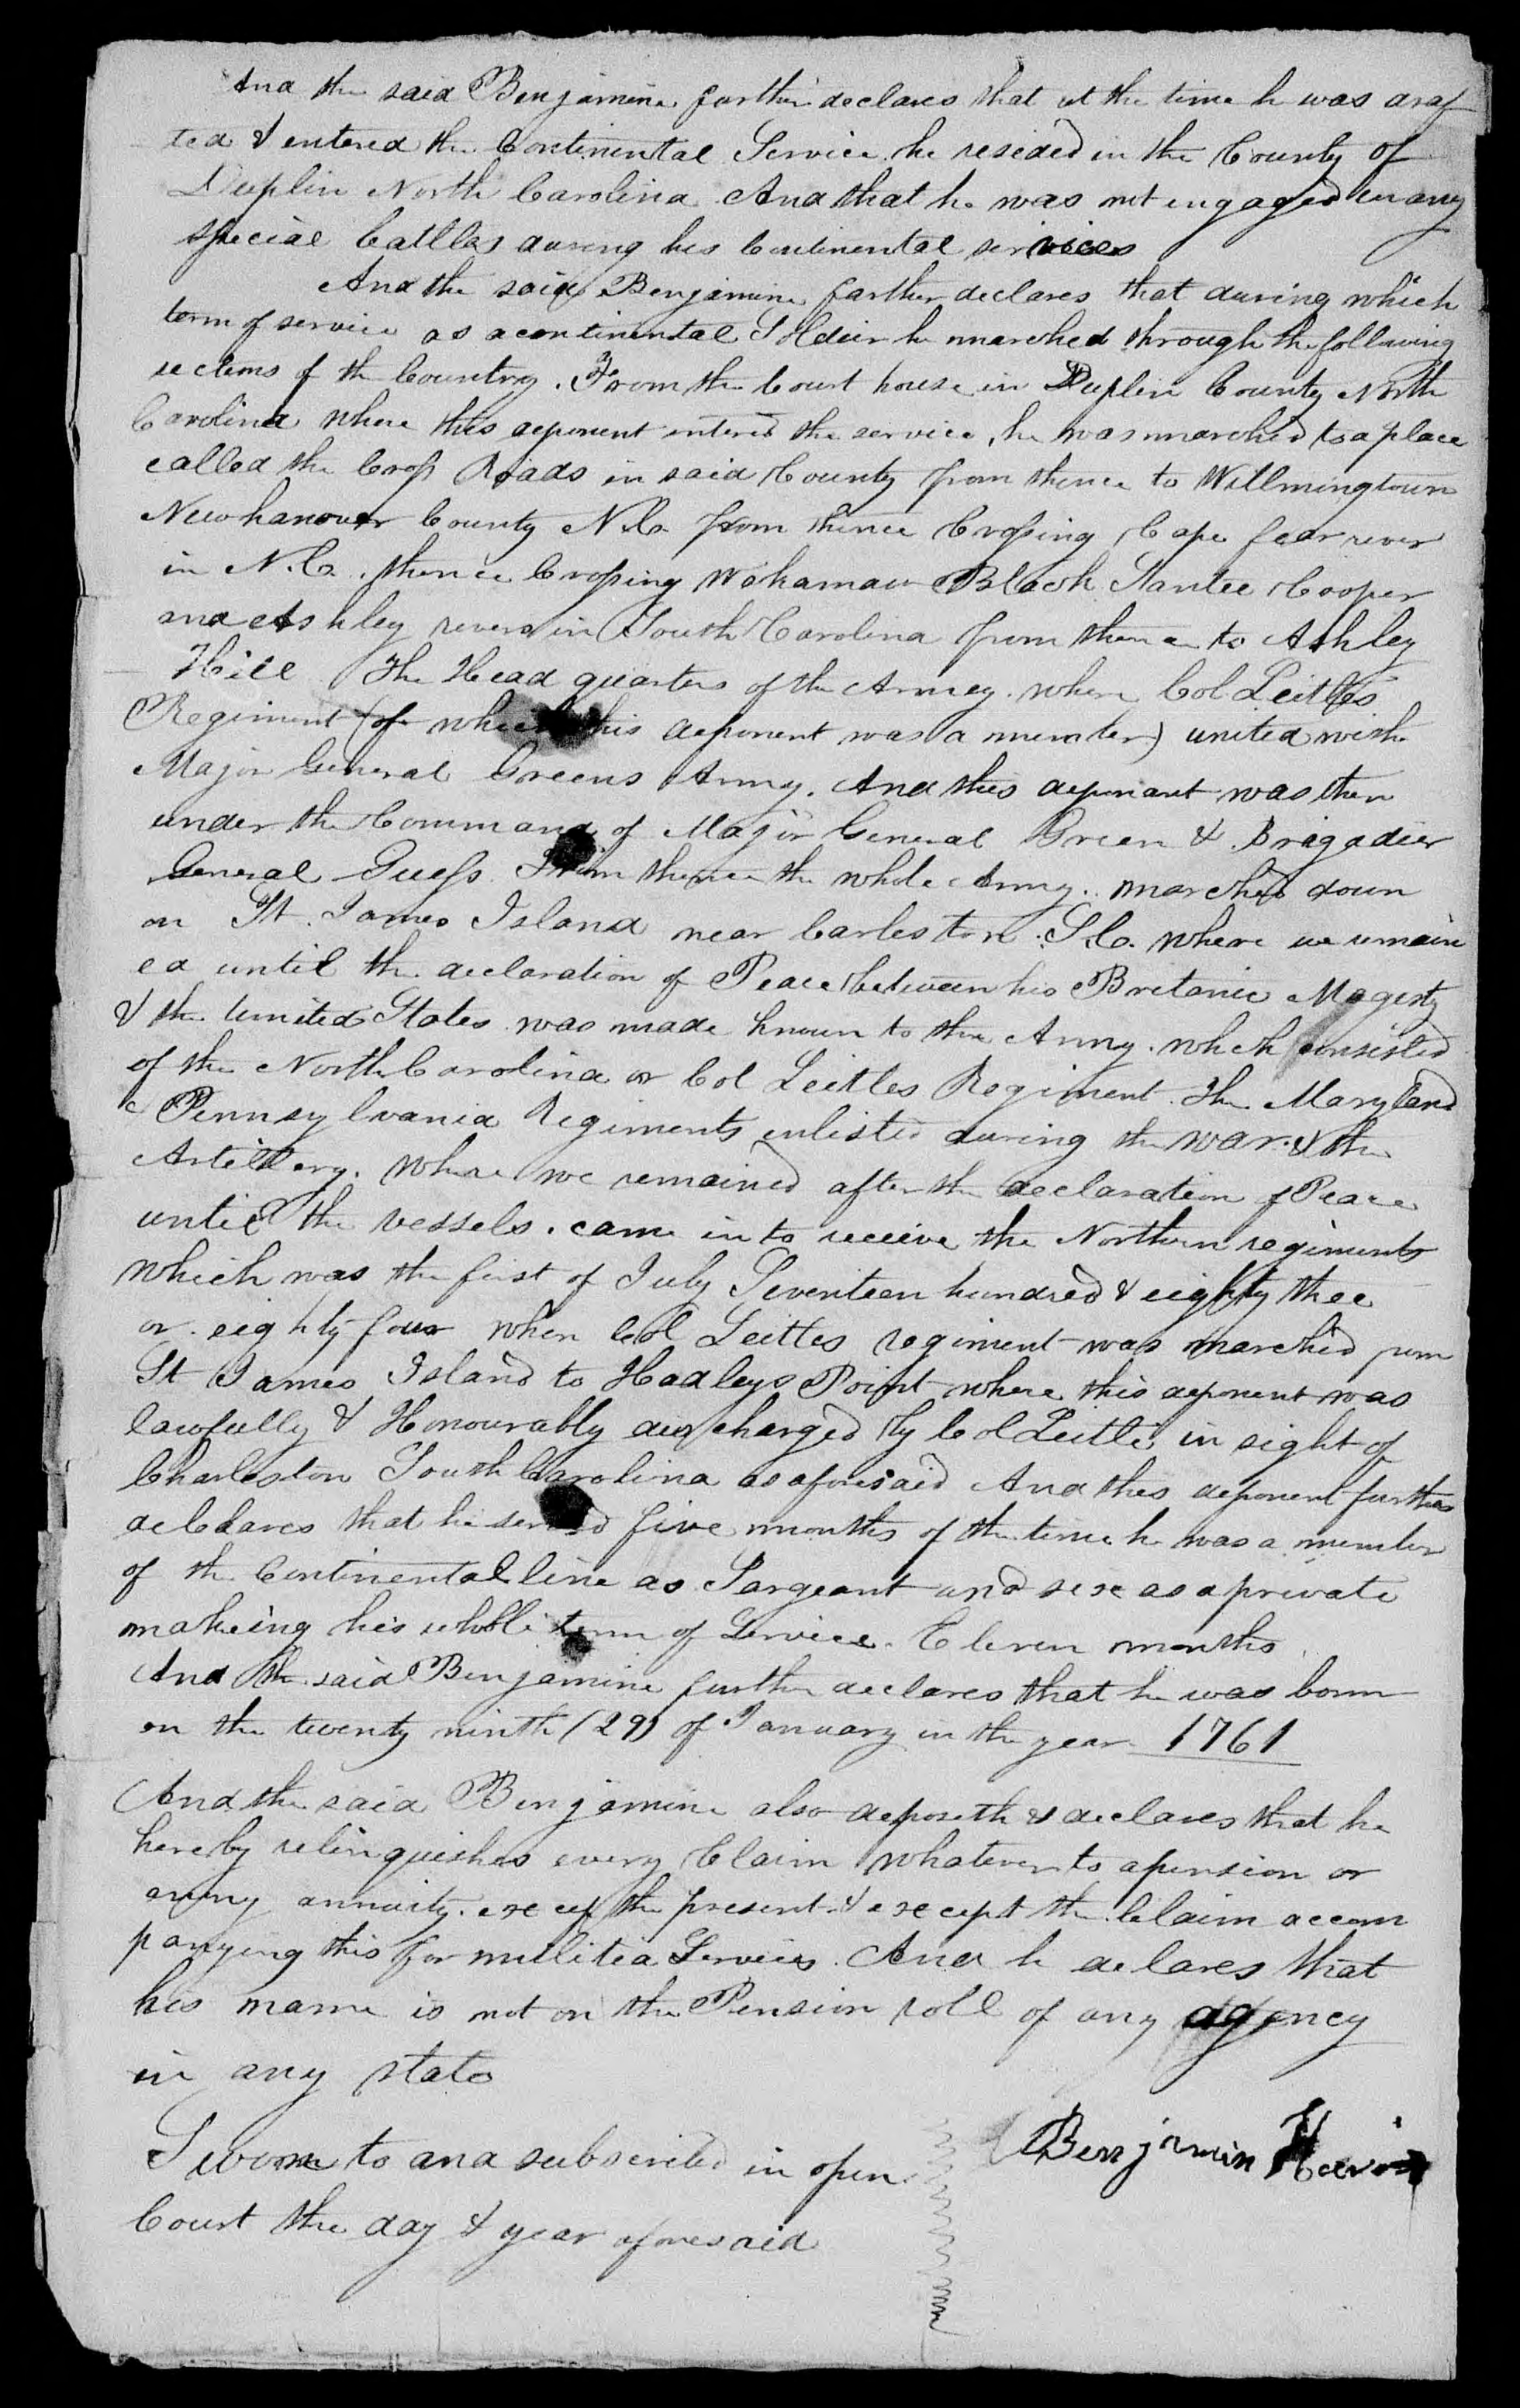And the said Benjamin further declares that at the time he was drafted & entered the Continental Service he resided in the County of Duplin North Carolina, and that he was not engaged any special battles during his continental services And the said Bejamin faruther declares that during which term of service as a continental Soldier he marched through the following sections of the Country. From the Court house in Duplin County North Carolina where this deponent entered the service, he was marched to a place called the Cross Roads in said County from thence to Willmingtown New Hanover County N.C. from thence crossing Cape fear river in N. C. thence crossing Wakaman Blash Santee Cooper and Ashley rivers in South Carolina from thence to Ashley Hill.  The Headquarters of the Army when Col Leits Regiment (of which this deponent was a member) united with Major General Greens Army. And this deponant was then under the command of Major General Green & Brigadier General Guess. then the whole army marched down of St James Island near Carleston S.C. where we remained until the declaration of peace between his Britannic Magesty & the United States was made known to the Army. which consisted of the North Carolina or Col Lettles Regiment the Maryland Pennsylvania Regiment enlisted during the war then Artillery; where we remained after the declaration of Peace until the vessels, came in to receive the Northern regiments of which was the first of July Seventeen hundred & eighty three or eighty four when Col Leitles regiment was marched from St James Island to Hadley Point where this deponent was lawfully & honourably discharged by Col Leitle in sight of Charleston South Carolina as aforesaid 

And this deponent further declares that he served five months of the time he was a member of the Continental line as Sargeant and six as a private making his whole term of Service Eleven months 

And the said Benjamin further declares that he was born on the twenty ninth (29) of January in the year 1761 

And the said Benjamin also deposith & declares that he hereby relinquishes every claim whatever to a pension or any annuity except the present & except the claim accompanying this for millitia Service. And he declares that his name is not on the Pension roll of any agency in any State.
 Sworn to and subscribed in open Court the day & year aforesaid Benjamin Harris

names: Guess, Benjamin Harris, Benjamine, Leitle, Benjamine, Benjamine, Benjamine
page: 16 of 62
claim: survivor's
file: S. 38816, Benjamin Harris, Mass.